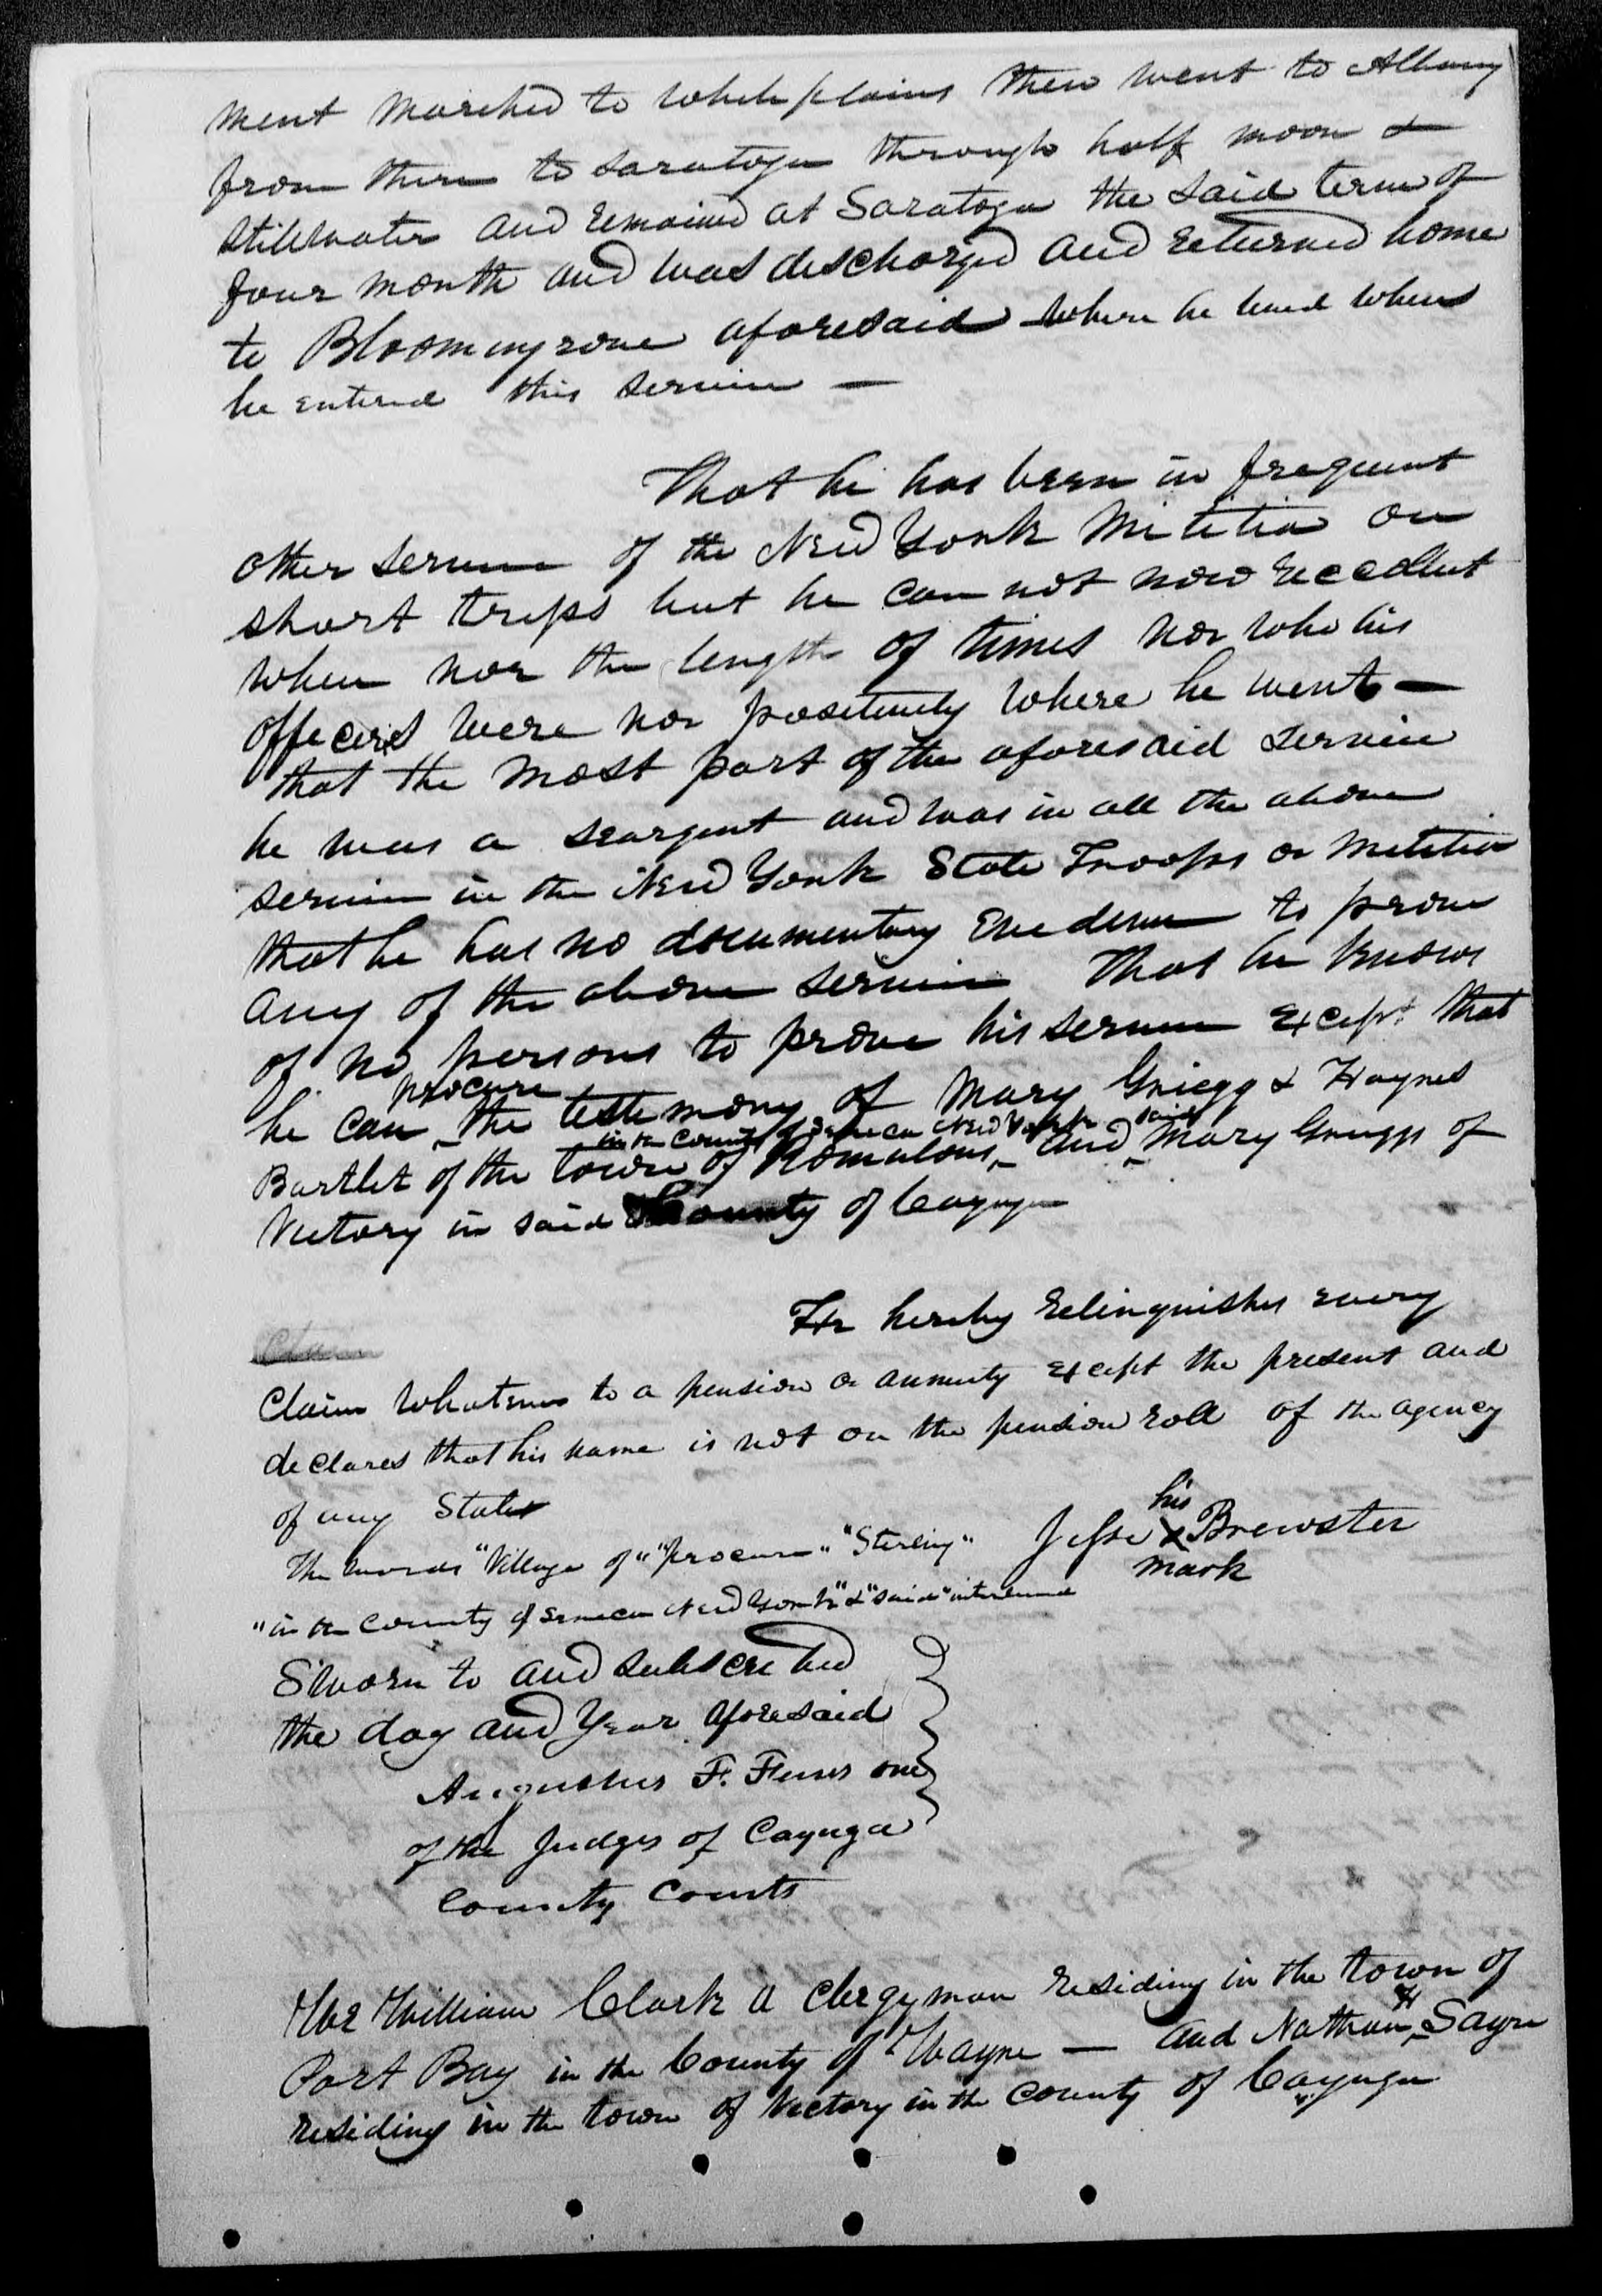gement marched to White plains then went to Albany from there to Saratoga through half moon + Stillwater and remained at Saratoga the said term of four months and was discharged and returned home to Blooming grove aforesaid where he lived when he entered this service.
That he has been in frequent other service of the New York militia on short trips nu he cannot now reccollect when nor the length of times not who his officers were not positively where he went. that the most part of the aforesaid service he was a seargent and was in all the above service in the New York State Troops or militia that he has no documentary evidence to prove any of the above service  that he knows of no persons to prove his service except that he can procure the testimony of Mary Griegg + Haynes Bartlett of the town  of Romulus in the county of Seneca New York and said Mary Grieggs of Victory in said county of Cayuga.
He hereby relinquishes every claim whatever to a pension or annuity except the present and declares that his name is not on the pension roll of the agency of any states
The words " villages of" "procure" "Sterling" "in the county of Seneca New York "+"said interl{?} 
Jesse Brewster (his X mark)
Sworn to and subscribed the day and year aforesaid Augustus F. Ferris one of the Judges of Cayuga county courts
Mr William Clark a clergyman residing in the town of Port Bay in the county of Wayne. And Nathan Sayre residing in the town of Victory in the county of Cayuga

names: Augustus F Ferris, Jesse Brewster, Haynes Bartlet, Nathan H Sayre, Mary Griegg, William Clark, Mary Grieggs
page: 23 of 26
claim: survivor's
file: S. 12,291, Jesse Brewster, New York